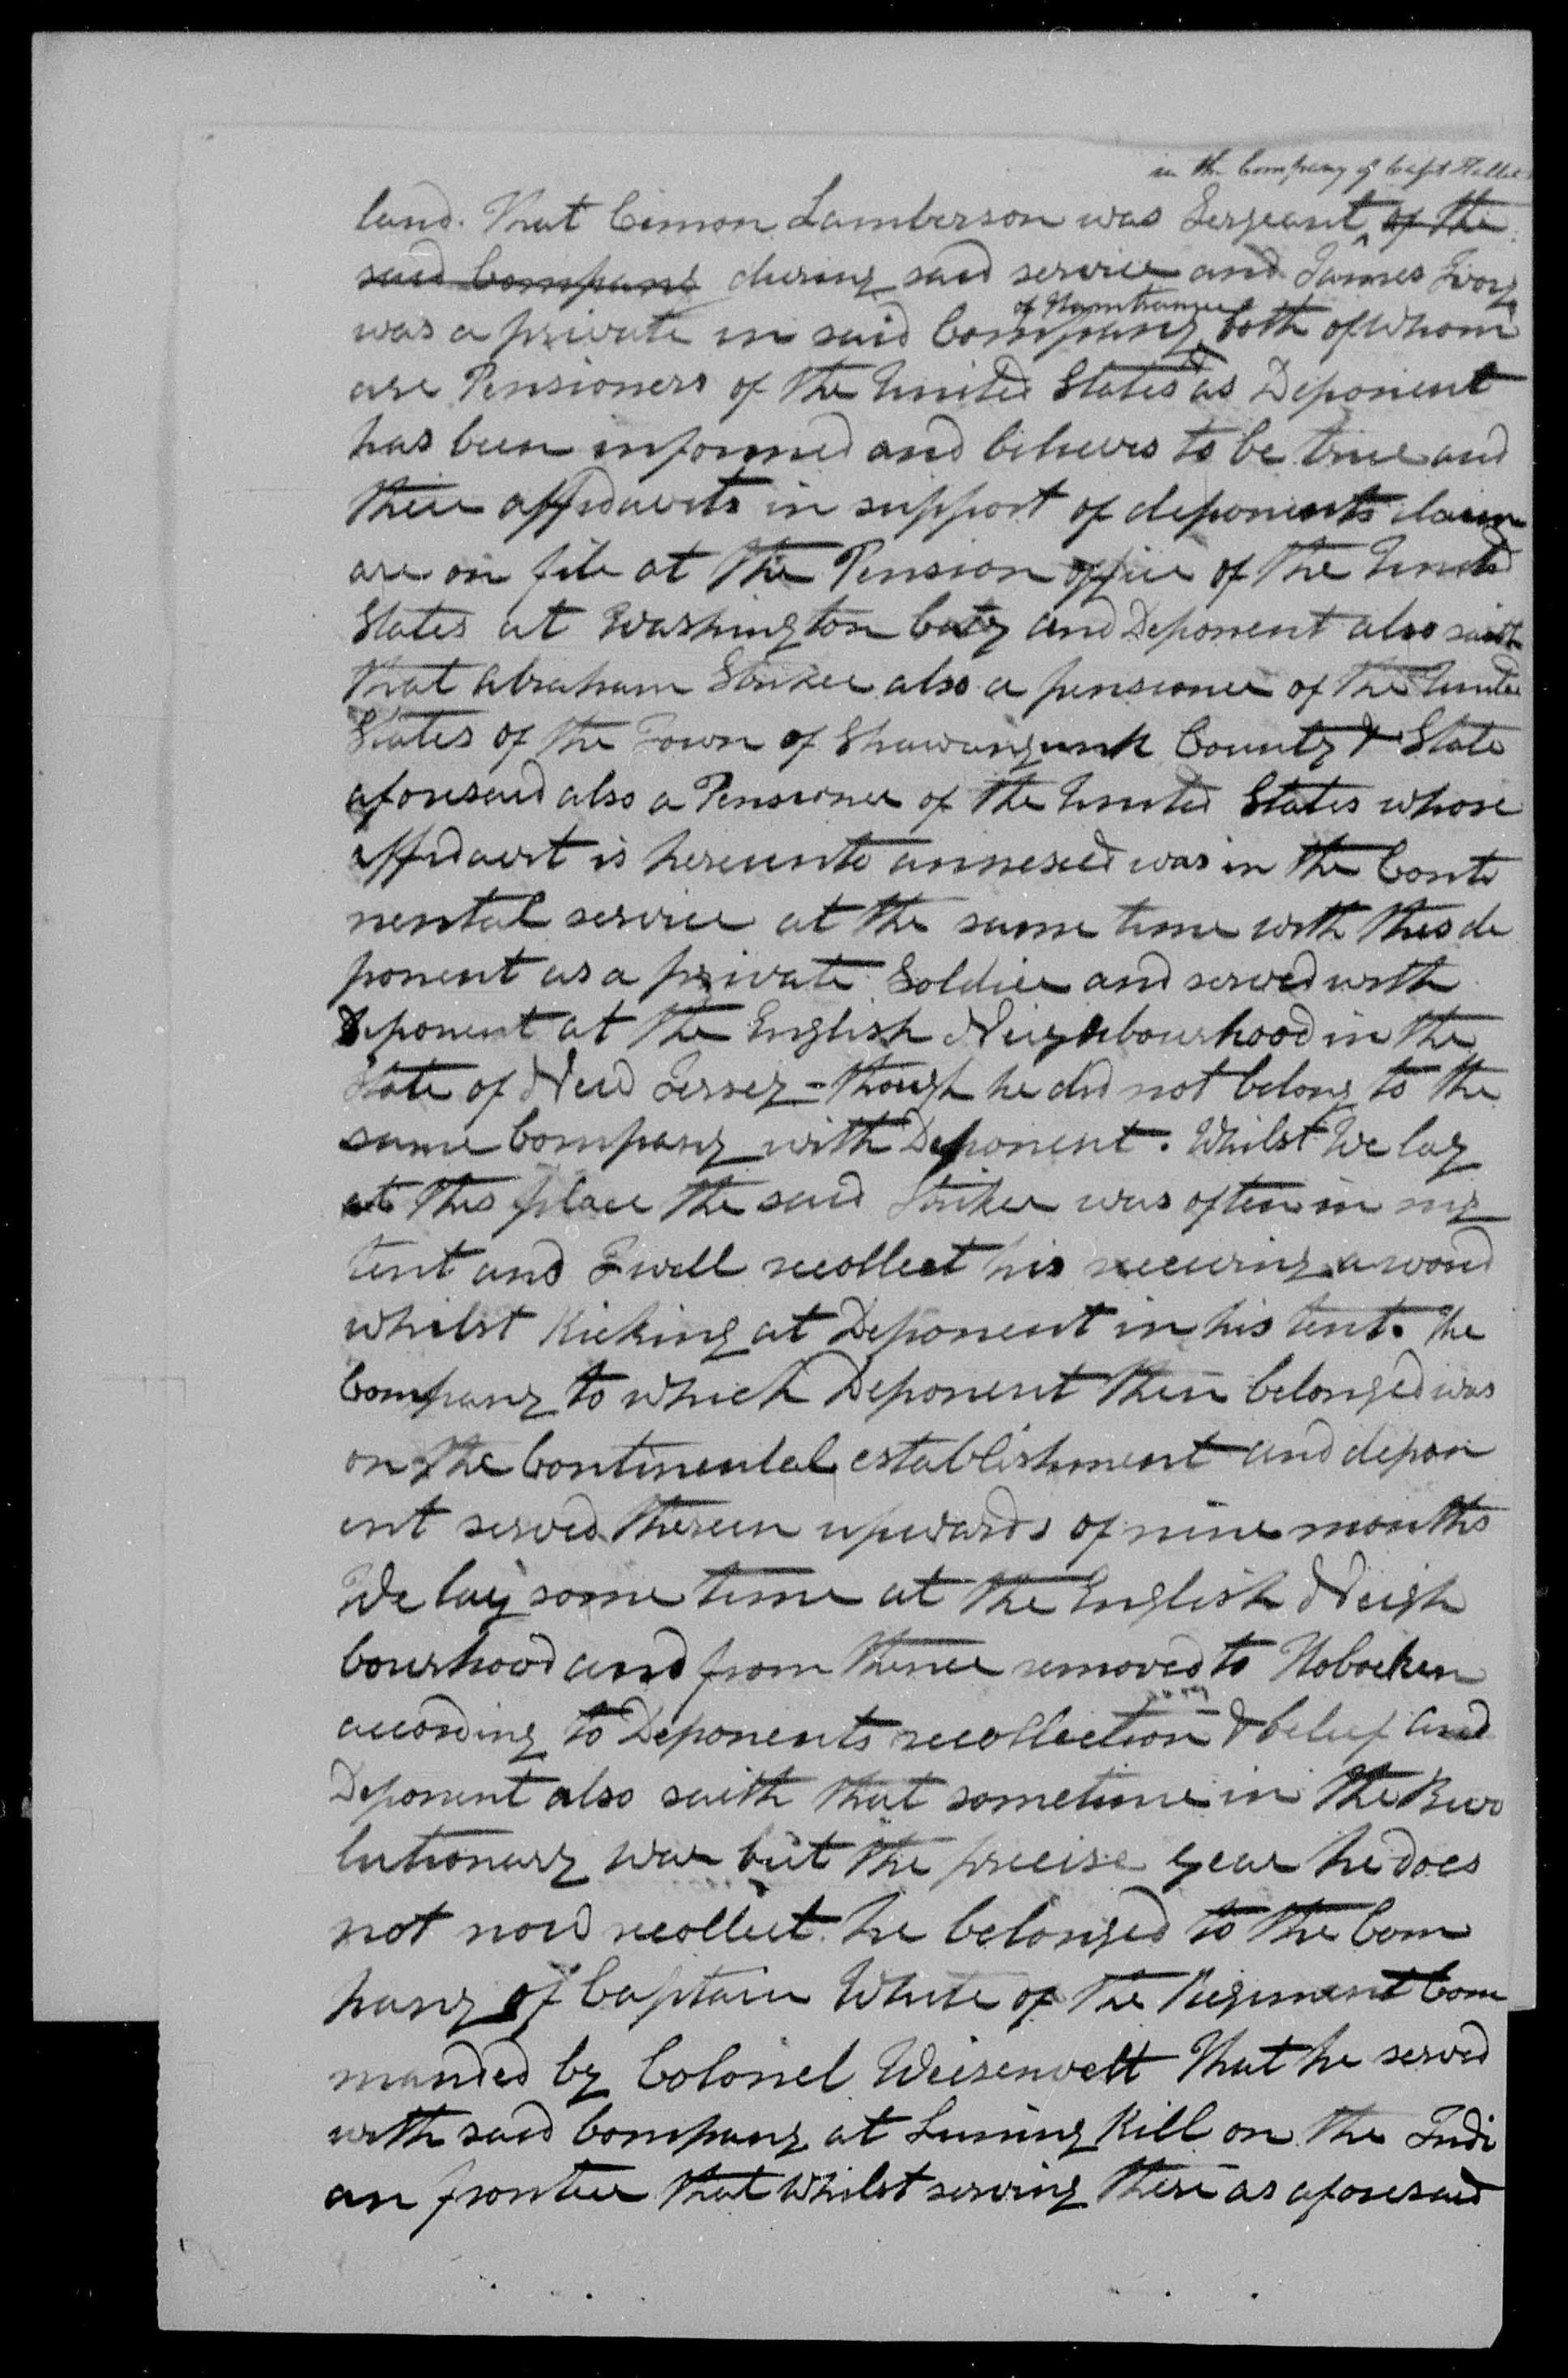in the Company of Capt Halleland. That Cimon Lamberson was Sergeant during said service and James Ivory
was a private in said company of Hamtramer  both of whom
are Pensioners of the United States as Deponent
has been informed and believes to be true and
their affidavits in support of deponents claim
are on file at the Pension office of the United States
at Washington City and Deponent also saith
that Abraham Striker also a pensioner of the United States
of the Town of Shawangunk County & State
aforesaid also a Pensioner of the United States whose
affidavit is hereunto annexed was in the Continental service at the same time with this deponent as a private Soldier and served with
Deponent at the English Neighbourhood in the
State of New Jersey though he did not belong to the same
company with Deponent. Whilst he lay
at this place the said Striker was often in my
tent and well recollect his receiving and
whilst kicking at Deponent in his tent. the
Company to which deponent then belonged was
on the Continental establishment and deponent served therein upwards of nine months
we lay some time at the English neighbourhood and from thence removed to Hobocken
according to deponents recollection & belief and
Deponent also saith that sometime in the Revolutionary war but the precise year he does
not now recollect he belonged to the company of Captain White of the Regiment 
comanded by Colonel Weisenvelt that he served
with said Company at Luning kill on the Indian frontier that whilst serving these as aforesaid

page: 12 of 64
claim: survivor's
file: S. 42,464, for William Terwilliger, New York